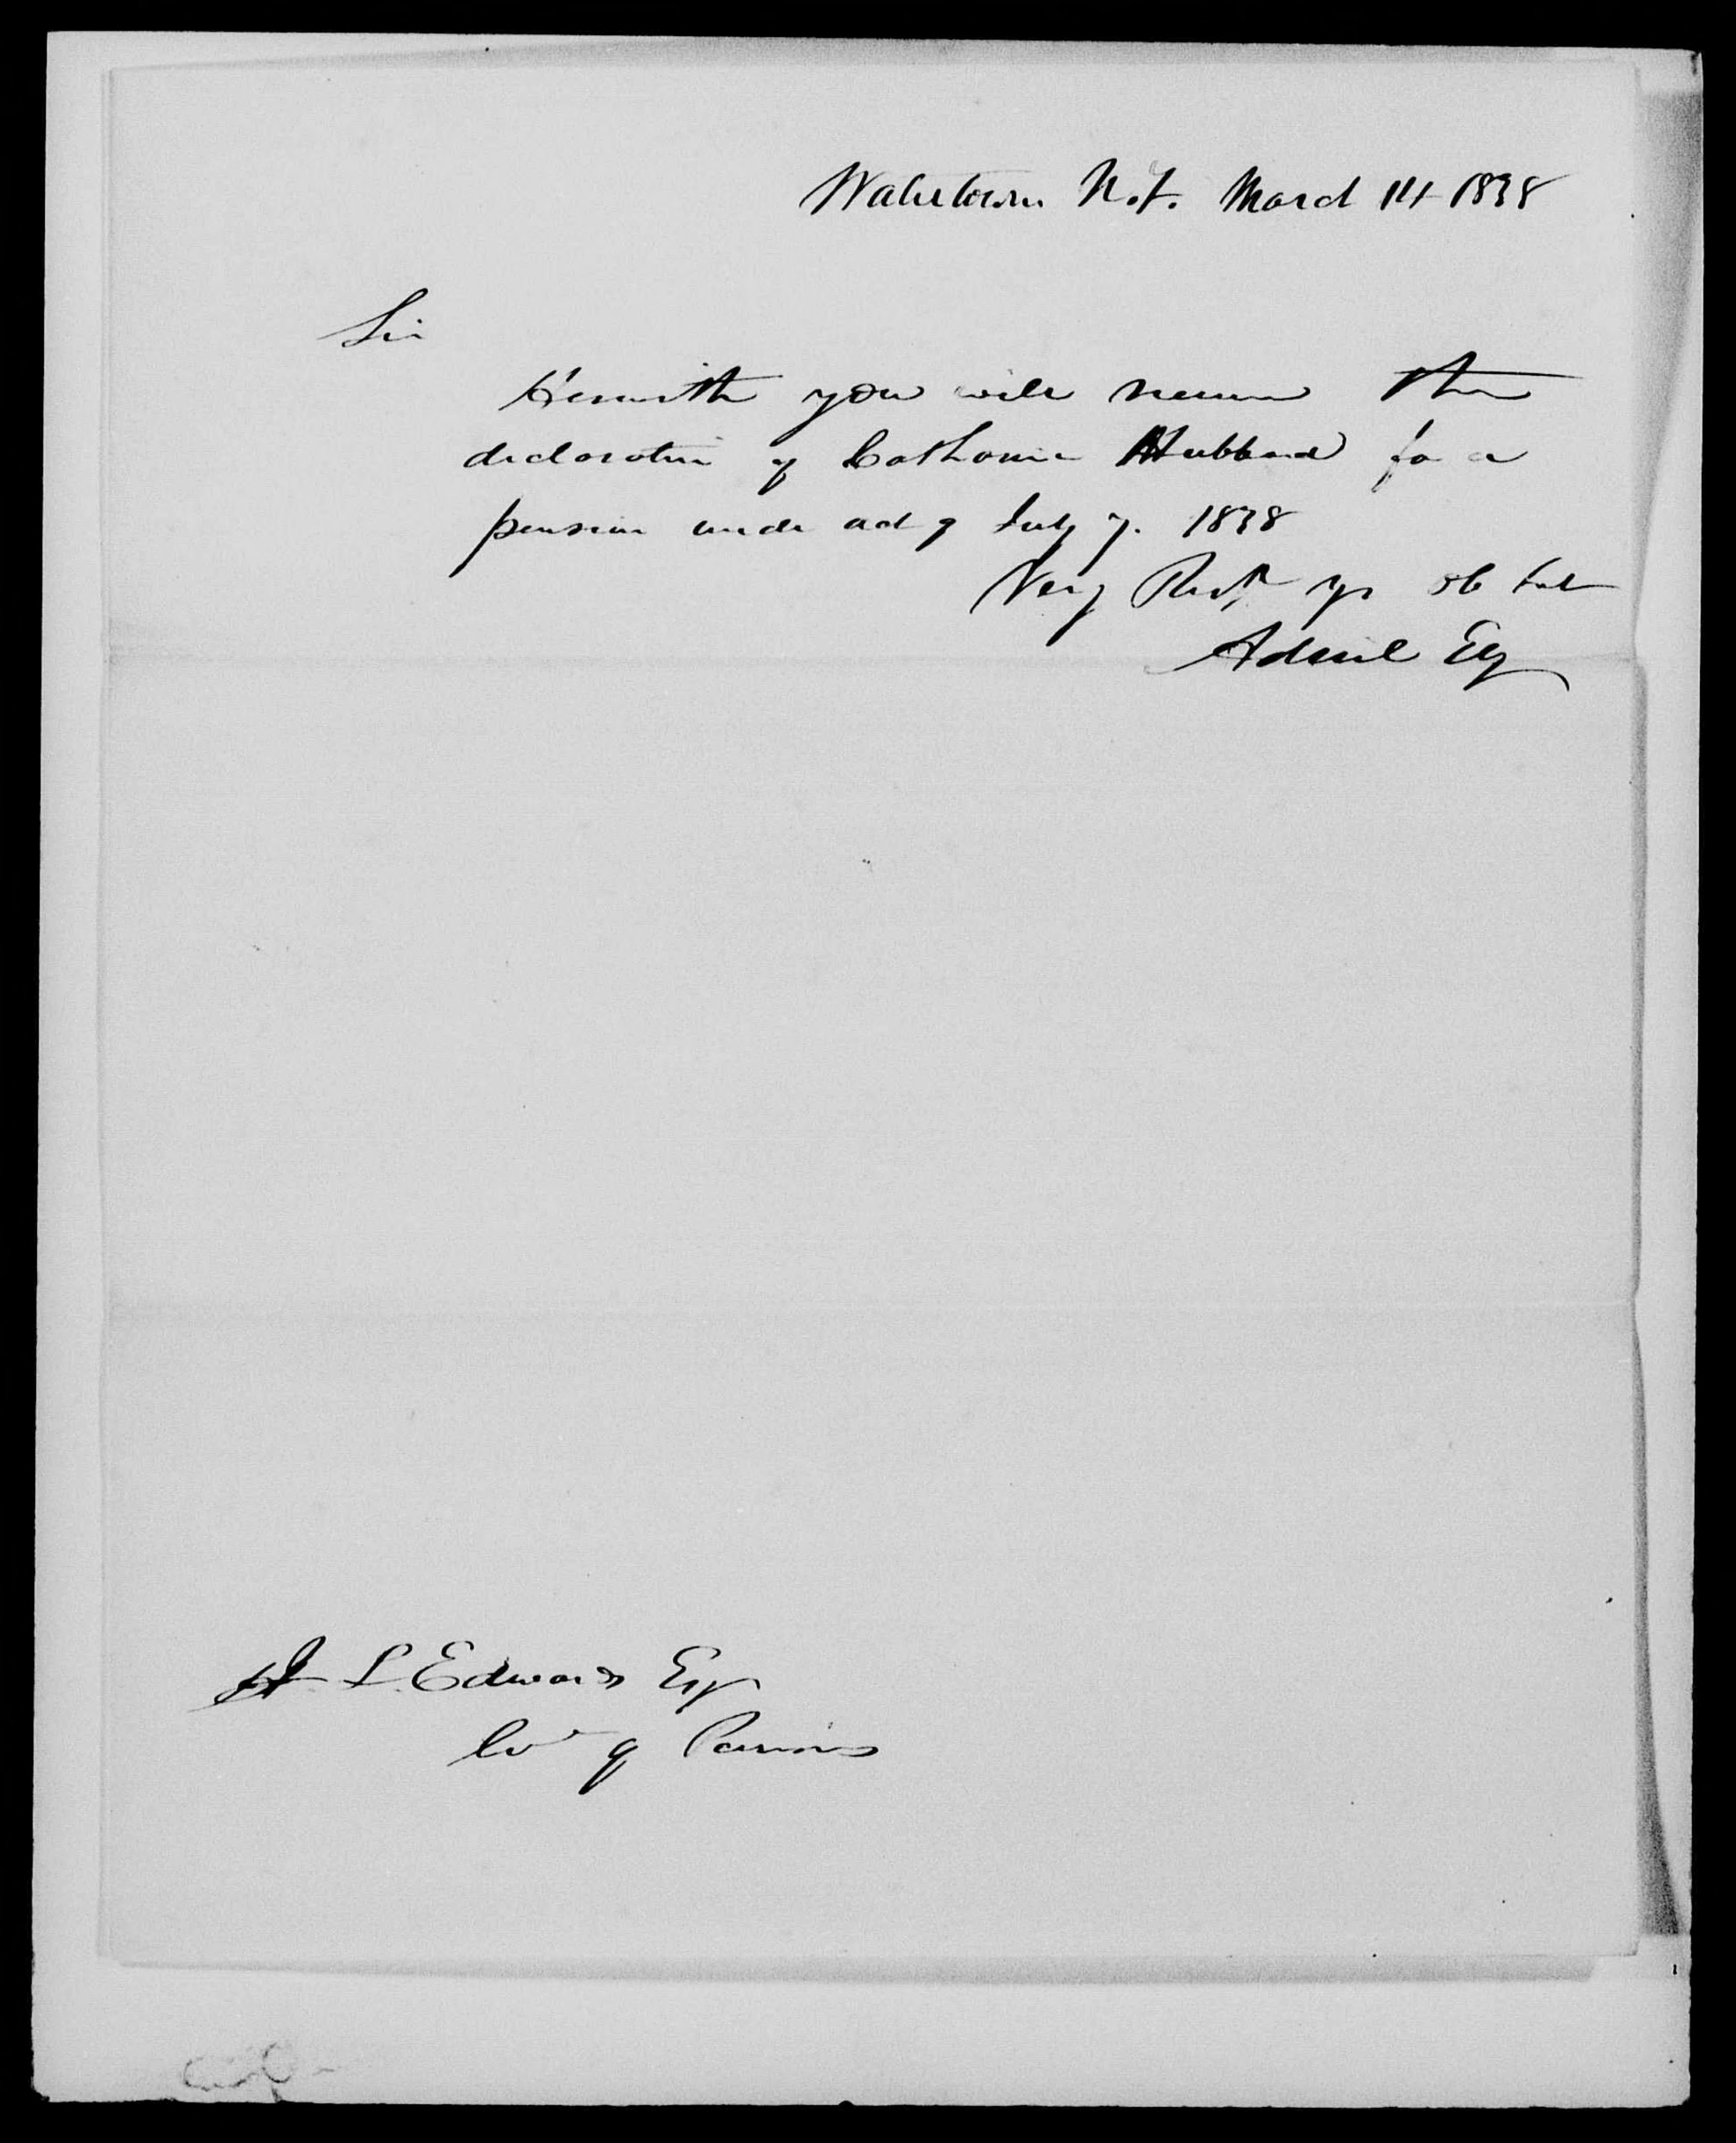Watertown N.Y. March 14 1838

Sir
Herewith you will [illegible] the declaration of Catharine Hubbard for a pension under act of July 7. 1838
Very Resp yr ob svt
Adriel Ely

[illegible] L. Edwards Esq
Co of Pensions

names: Catharine Hubbard, Adriel Ely, J L Edwards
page: 17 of 38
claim: widow's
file: W. 23,381, Abner Hubbard, Continental Mass.